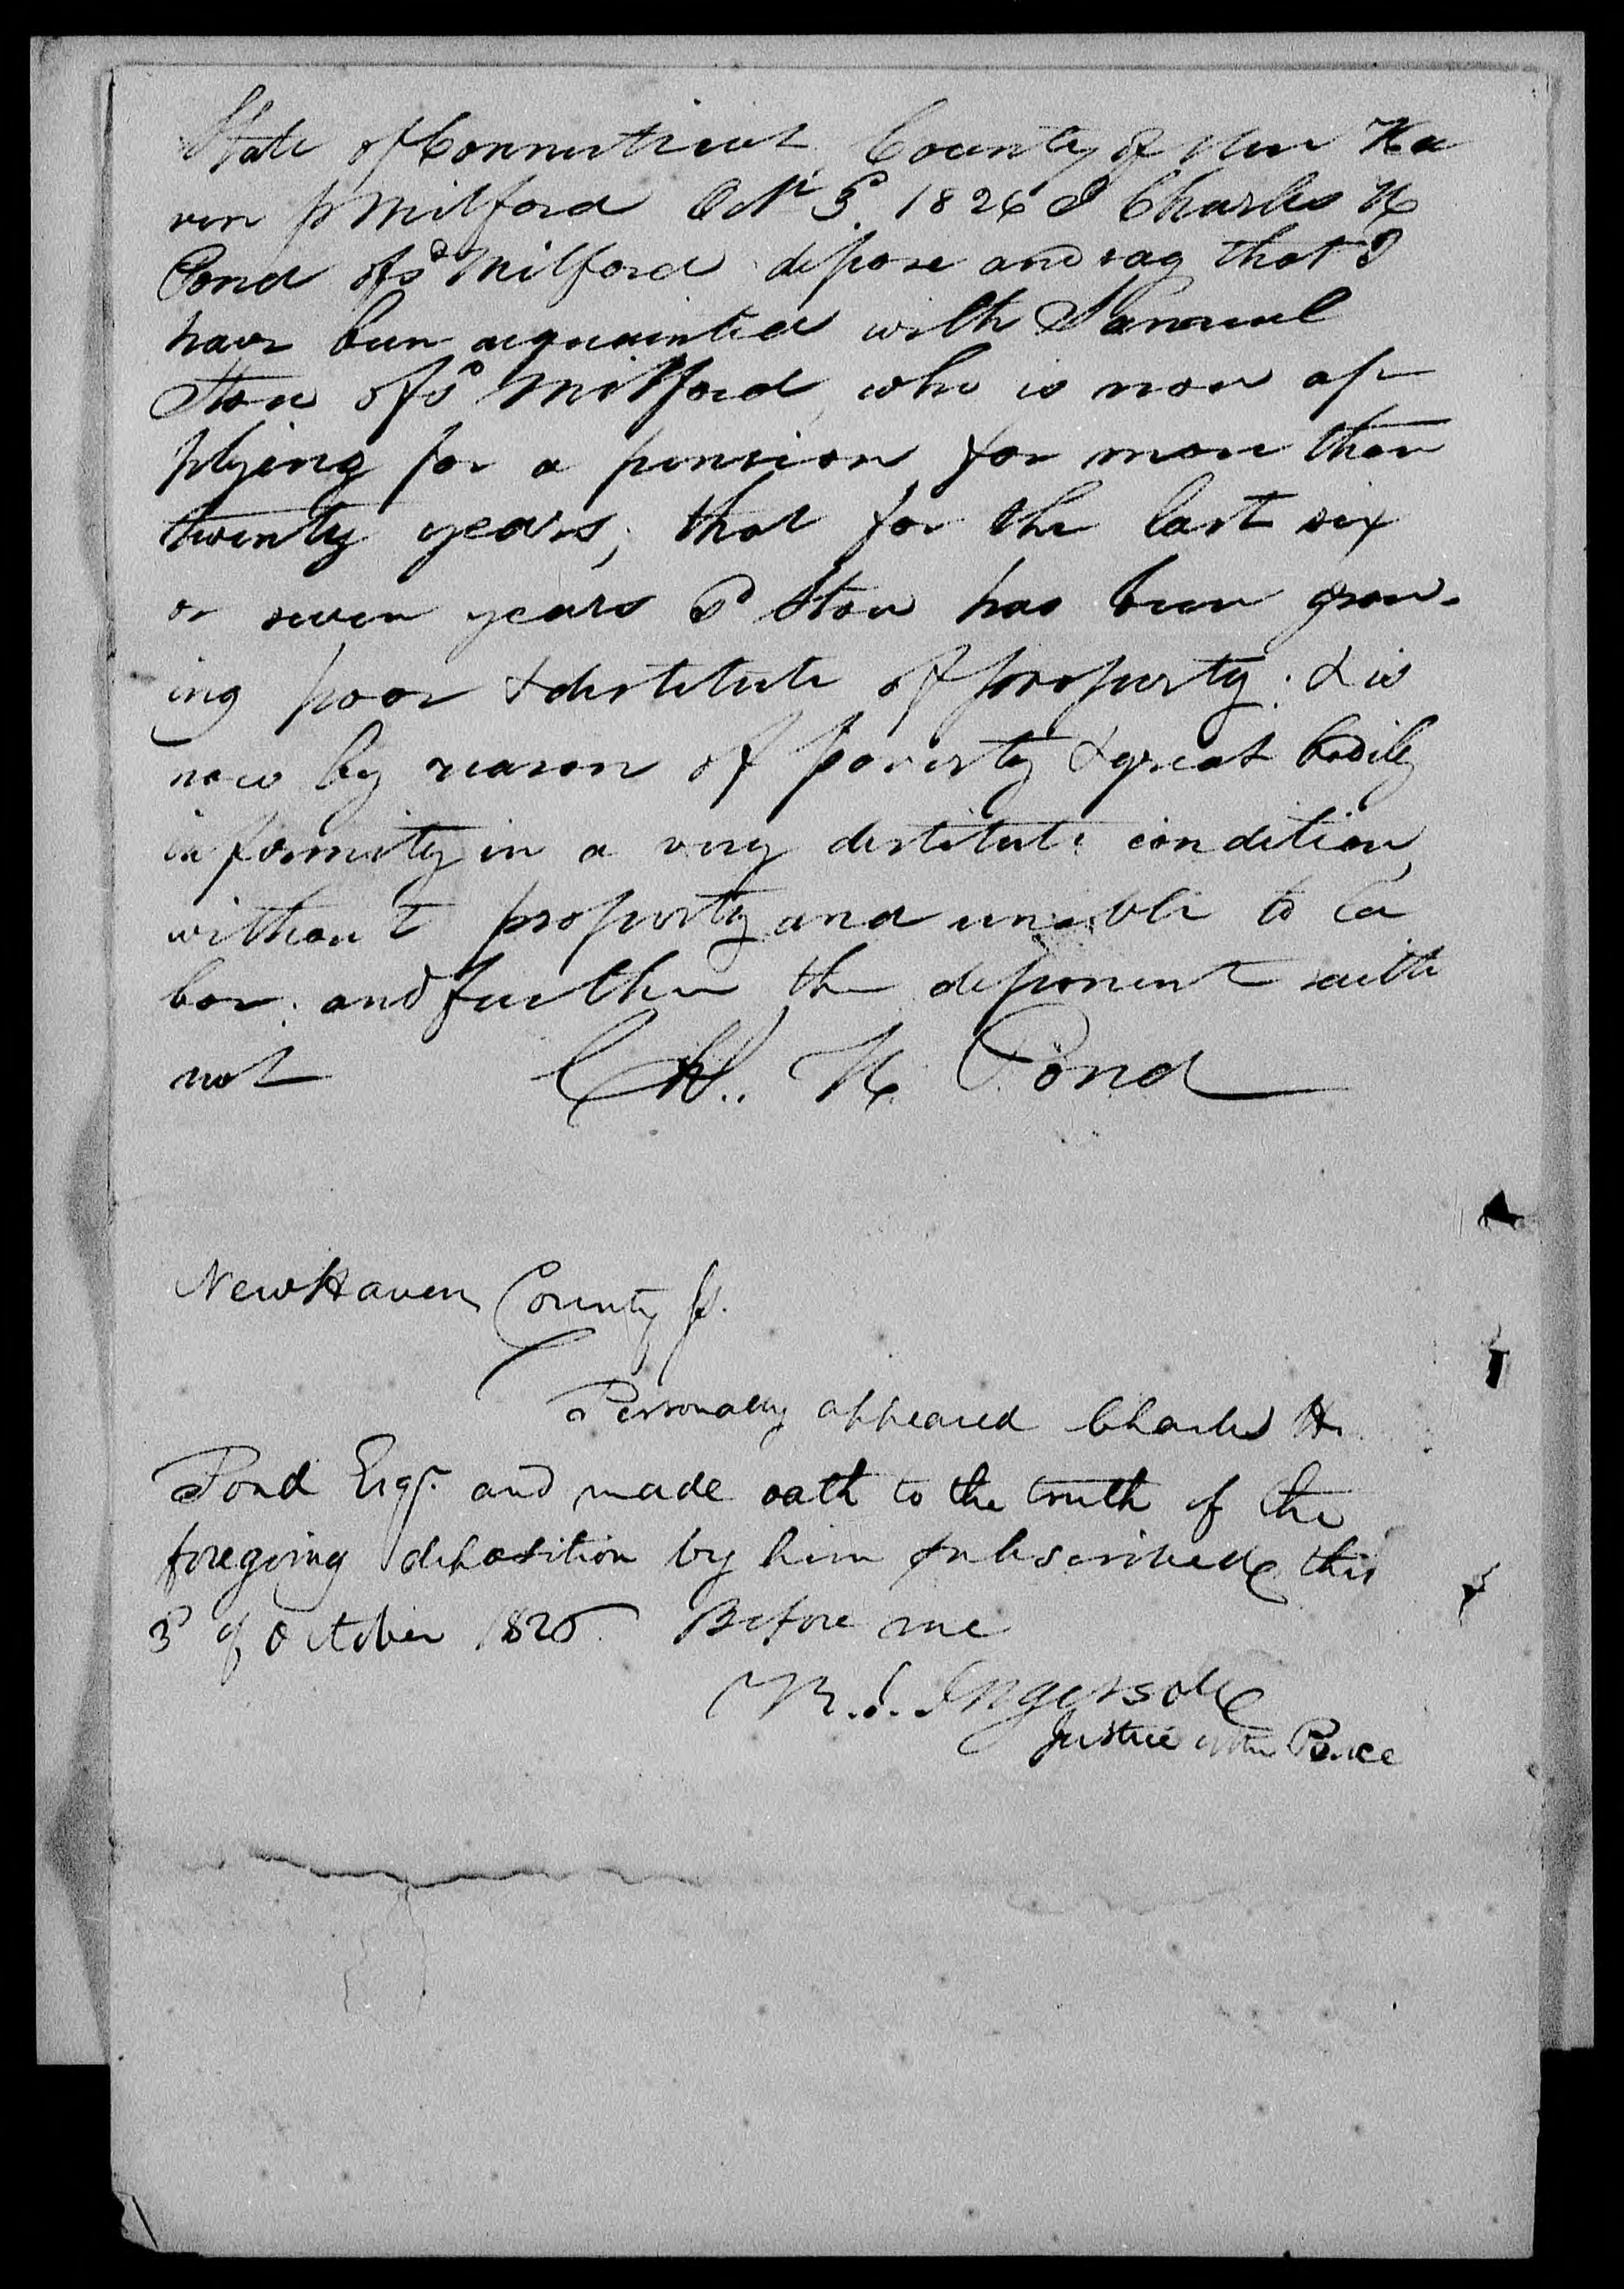State of Connecticut County of New Haven} ss:
Milford Oct 3. 1826
I, Charles H. Pond of Milford depose and say
that I have been acquainted with Samuel
Stow of said Milford who is now applying for a pension for more than twenty years, that for the last six or seven years said Stow has been growing poor & destitute of property & is
now by reason of poverty & great bodily
infirmity in a very destitute condition,
without property and unable to labor and further the deponent saith not.
[signed] Chs. H. Pond

New Haven County } ss:

Personally appeared Charles H. Pond Esq. and made oath to the truth of the foregoing deposition by him subscribed this 3rd of October 1826 Before me
R. I. Ingersoll
Justice of the Peace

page: 36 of 42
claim: survivor's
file: S. 36,819, for Samuel Stow, Connecticut